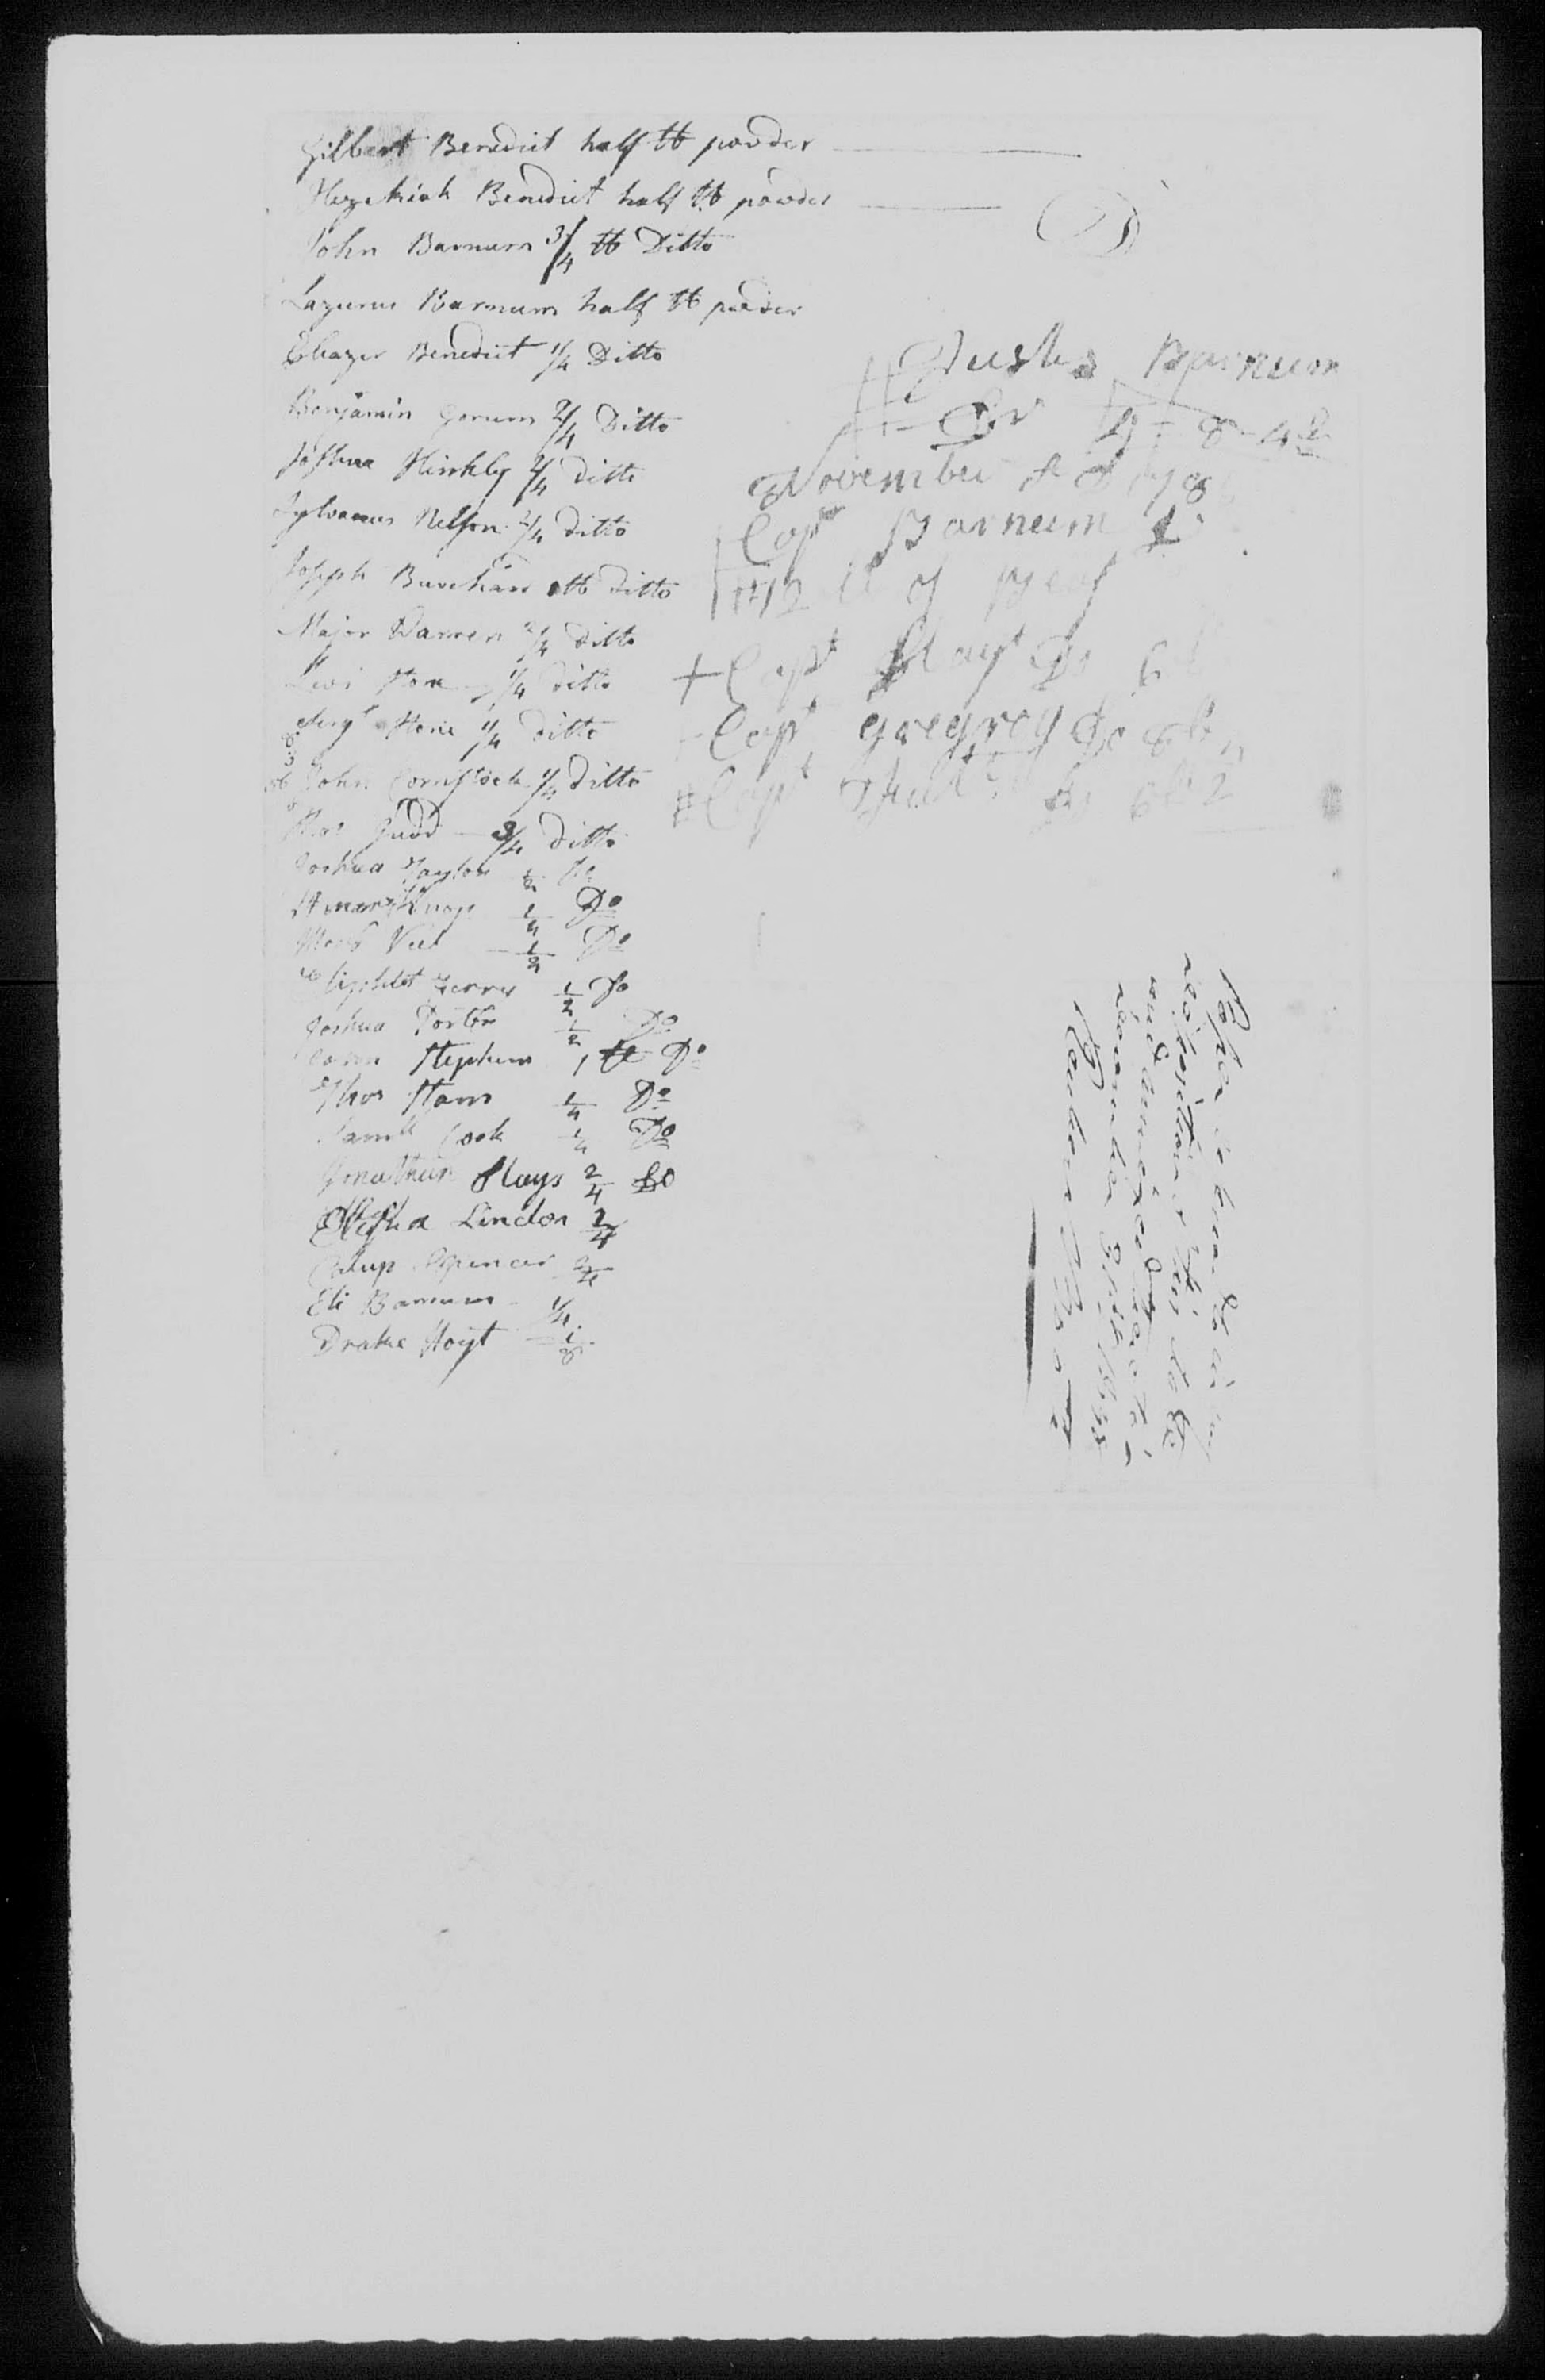Gilbert Benedict half lb powder
Hezekiah Benedict half lb powder
John Barnett ¾ lb        Ditto
Lazarus Barnum half lb powder
Eleazer Benedict ¼   Ditto
Benjamin Gorum 2/4   Ditto
Joshua Hinkly     2/4    Ditto
Sylvanus Nelson  2/4   Ditto
Joseph Burnhand 1lb  Ditto
Major Barnum ¾       Ditto
Levi ????      ¼       Ditto
Augt Hoxie  ¼      Ditto
John Comstock ¼  Ditto
Thos Judd  ¾       Ditto
Joshua Taylor ¼  Do
?????      ¼     Do
Moses Viel   ½  Do
Eliphlet Ferris ½  Do
Joshua Foster  ½  Do
John Stephens 1 lb Do
Thos Starn  ¼  Do
James Cook  ¼  Do
Jonathan Hays 2/4 Do
Elisha Lindon  2/4
Calup Spencer  2/4
Eli Barnum   ¼
Drake Hoyt  ¼

Joshua Barnum
????
November ?? 1780
Capt Barnum
??? 11 of May
+ Capt Slat Do 6
Capt Gardreey Do 46
# Capt Thral  for 6

Papers to be annexed to my deposition of 
December 30th 1808
Reuben Booth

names: Calup Spencer, James Cook, Moses Vail, Major Barnum, Hezekiah Benedict, Joshua Hinkly, John Barnum, Eli Barnum, Gilbert Benedict, Joshua Foster, John Comstock, Thomas, Elisha Lindon, Drake Hoyt, Aug Hoxie, Joshua Taylor, Lazurus Barnum, Joseph Barchan, Sylvanus Nelson, John Stephens, Eliphlet Ferris, Thos Starn, Jonathan Hays, Eleazer Benedict, Judd, Benjamin, Levi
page: 15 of 56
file: [ILLEGIBLE], Jonah Benedict, Conn.